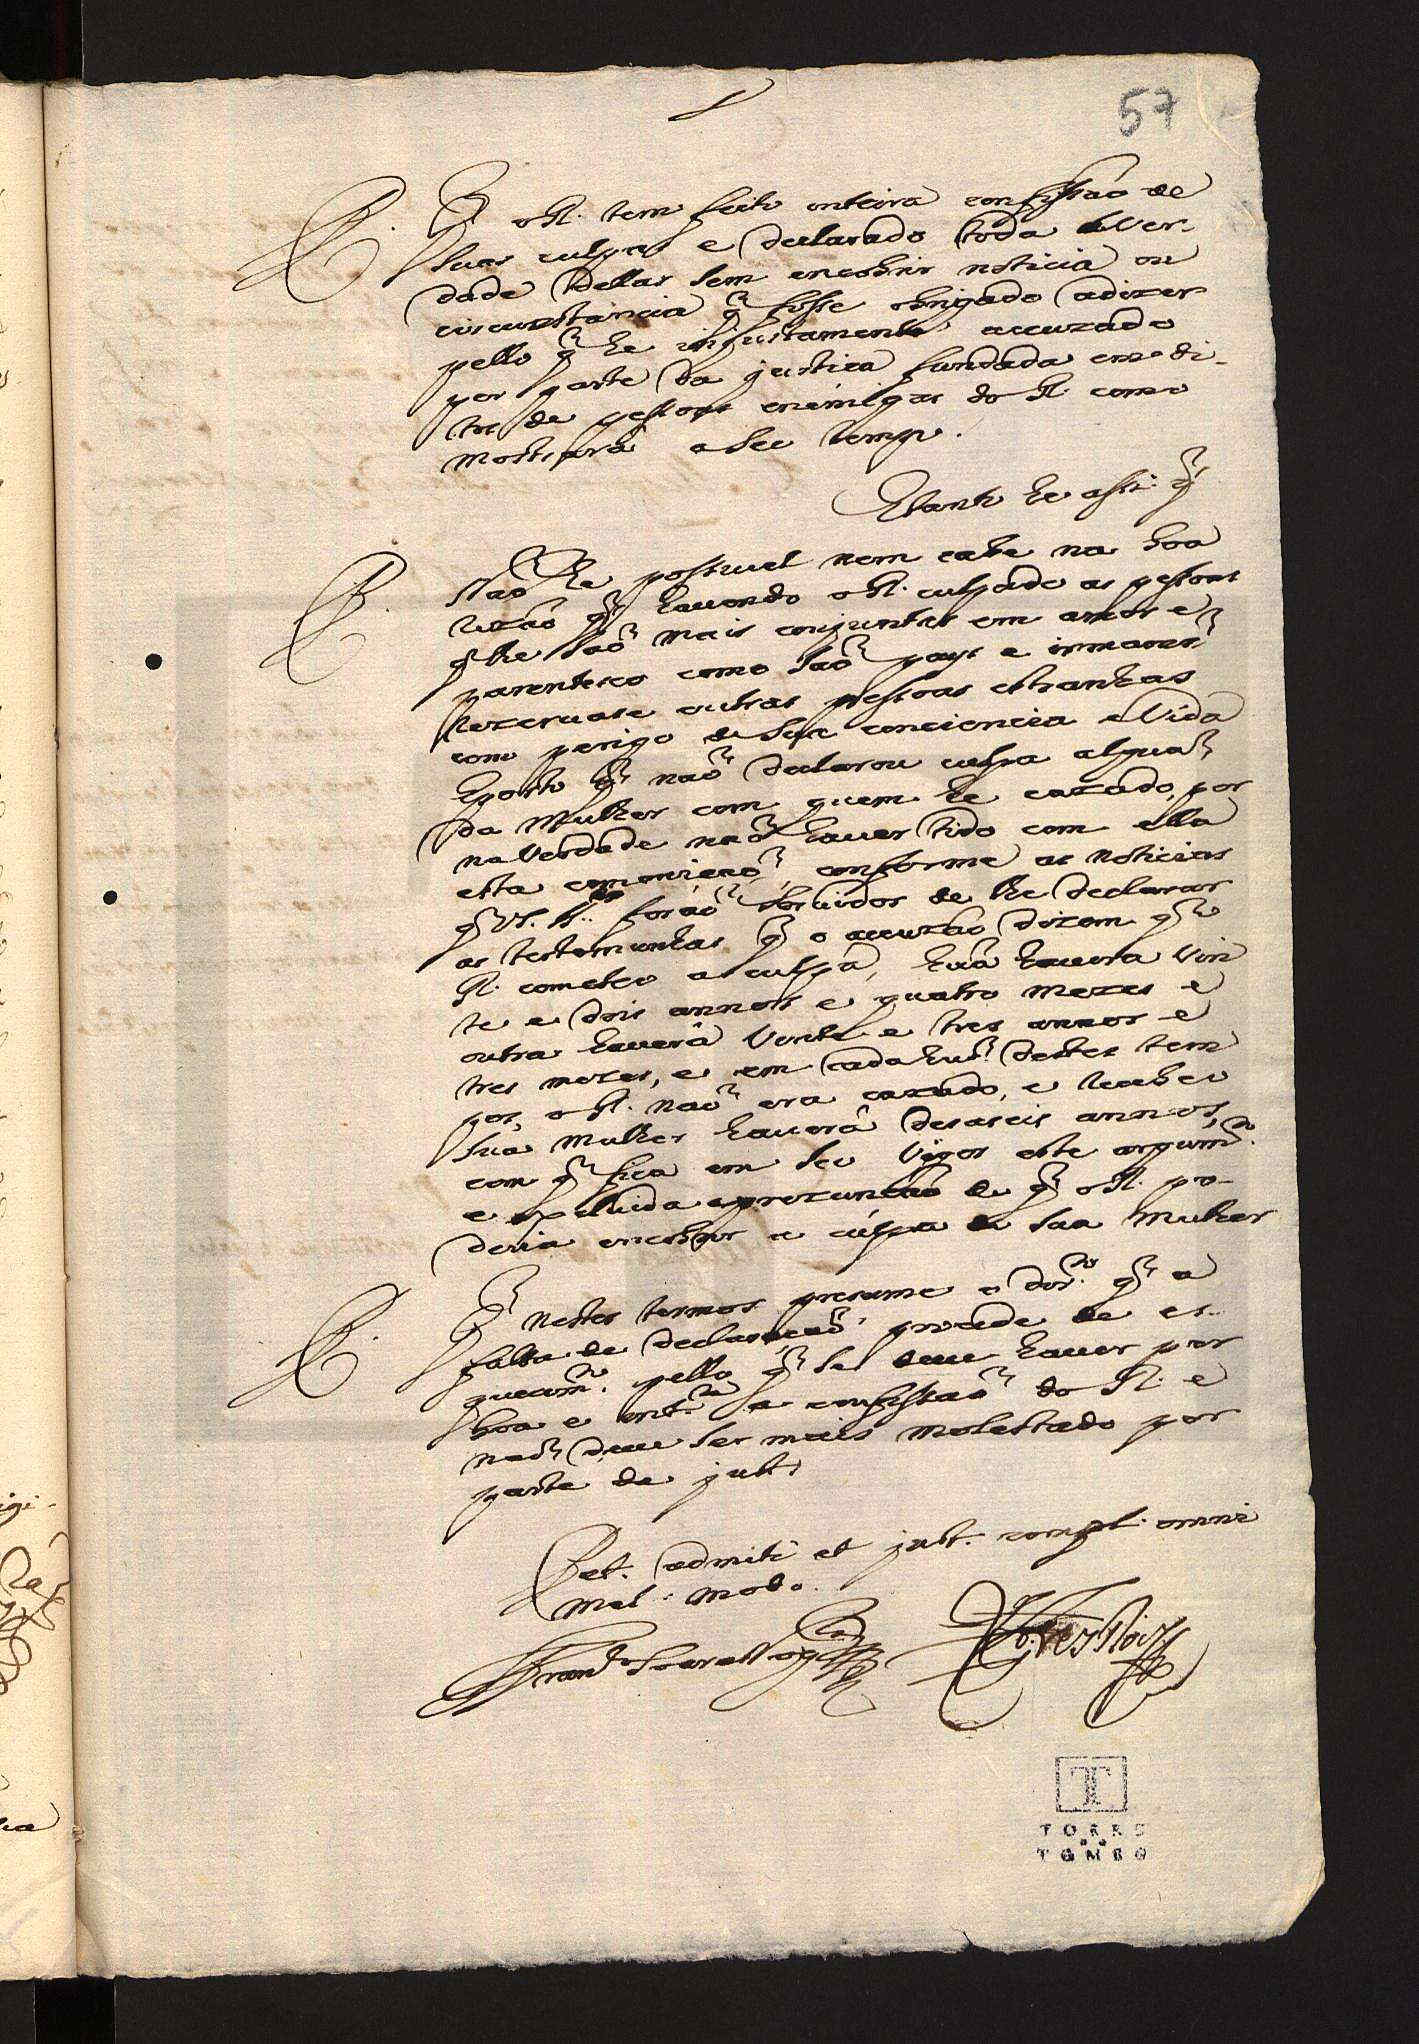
P. Q o R. tem feito inteira confissaõ de
suas culpas e declarado toda a ver
dade dellas sem encobrir noticia ou
circunstancia q̄ fosse obrigada a dizer
pello q̄ he injustamente accuzado
por parte da justiça fundada em o di
tos de pessoas enimigas do R. como
mostraraõ a Seu tempo.
E tanto he assi q̄
P. Naõ he possiuel nem cabe na boa
rezaõ q̄ hauendo o R. culpado as pessoas
q̄ lhe saõ mais conjuntas em amor e
parentesco como saõ pays e irmaons
rezeruase outras pessoas estranhas
como perigo de sua conciencia a Vida
E posto q̄ naõ declarou culpa alguā
da mulher com quem he cazado, por
na verdade naõ hauer tido com ella
esta comonicaçaõ, conforme as noticias
q̄ VS SS.as foraõ seruidos de lhe declarar
as testemunhas q̄ o accuzaõ dizem q̄ o
R. cometeo a culpa, huā hauera vin
te e dois annos e quatro mezes e
outra hauerá vinte e tres annos e
tres mezes, e em cada huā destes tem
pos, o R. naõ era cazado, e recebeo
sua mulher hauerá desaseis annos,
com q̄ fica em seo vigor este argumto.
e excluida a prezunçaõ em q̄ o R. po
deria encobrir a culpa a sua mulher
P. Q̄ nestes termos presume o dir.to q̄ a
falta de declaraçaõ proceda de es
quecimto. pello q̄ se deue hauer por
boa e ent.ra a confissaõ do R. e
naõ deue ser mais molestado por
parte da justi
Pet. admiti ad just. compl. omni
mal. modo.
